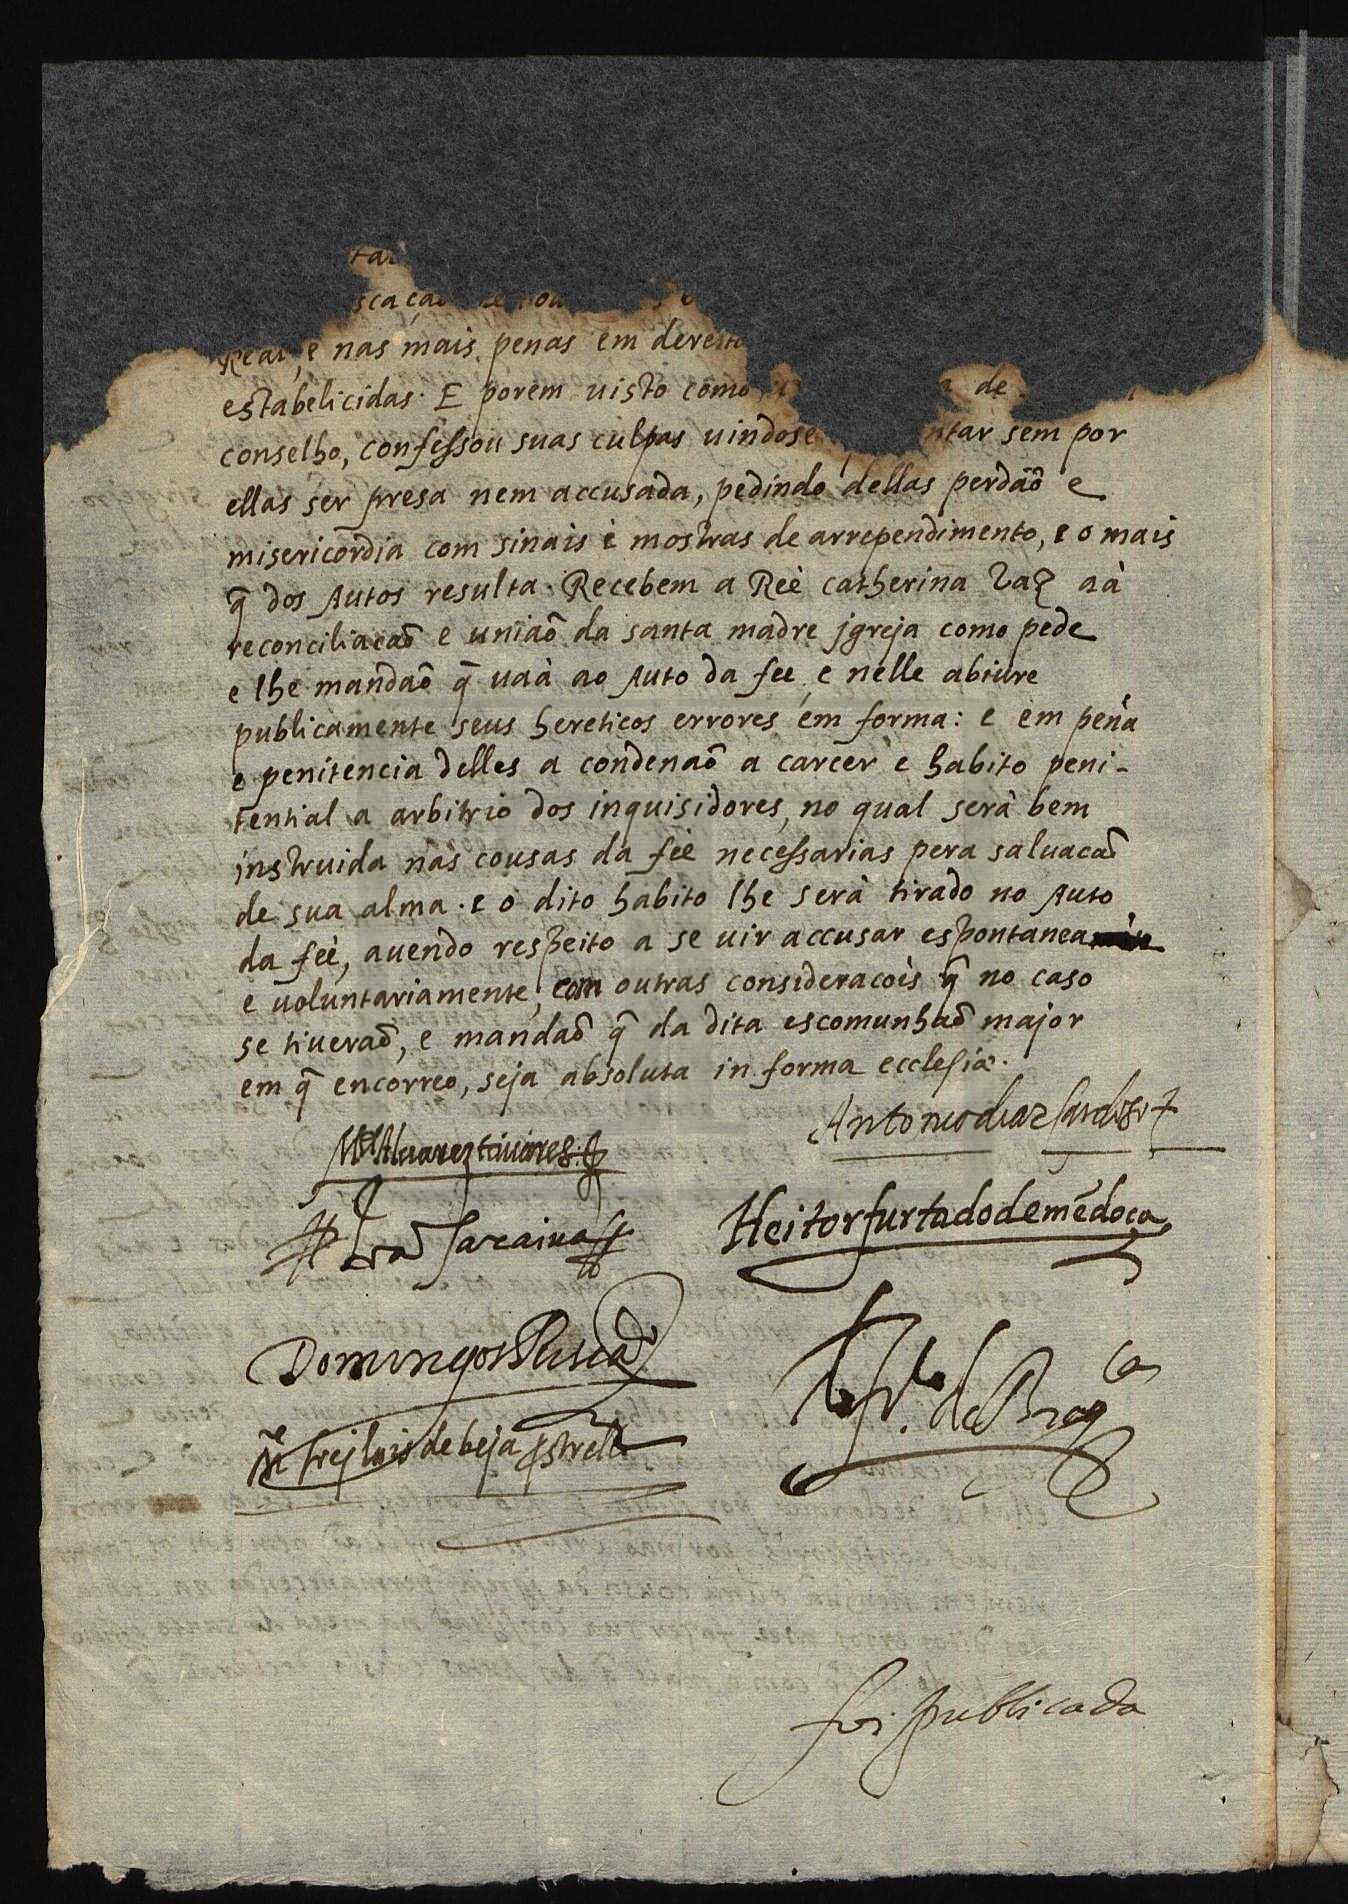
ta
scaçaõ _e_ _o
Real, e nas mais penas em dereito
de
estabelicidas. E porem uisto como
conselho, confessou suas culpas uindose _ntar sem por
ellas ser presa nem accusada, pedindo dellas perdão e
misericordia com sinais e mostras de arrependimento, e o mais
q̄ dos Autos resulta. Recebem a Ree catherina Vaz aà
reconciliaçaõ e uniaõ da santa madre jgreja como pede
e lhe mandaõ q̄ uaá ao Auto da fee, e nelle abiure
publicamente seus hereticos errores em forma: e em pen̄a
e penitencia delles a condenaõ a carcer e habito peni
tensial a arbitrio dos inquisidores, no qual serà bem
instruida nas cousas da fee necessarias pera saluaçaõ
de sua alma. e o dito habito lhe será tirado no Auto
da feè, auendo respeito a se uir accusar espontaneamēte
e uoluntariamente, com outras consideraçoĩs q̄ no caso
se tiueraõ, e mandaõ q̄ da dita escomunhaõ major
em q̄ encorreo, seja absoluta in forma ecclesiæ.
Antonio diaz Cardoso
Mel Aluarez tauares
Heitor furtado de mēdoça
Ioaõ saraiua
Domingos Riscado
d̄. fr.co de Bragça
Me frei luis de beja ꝓstrello
foi publicada
